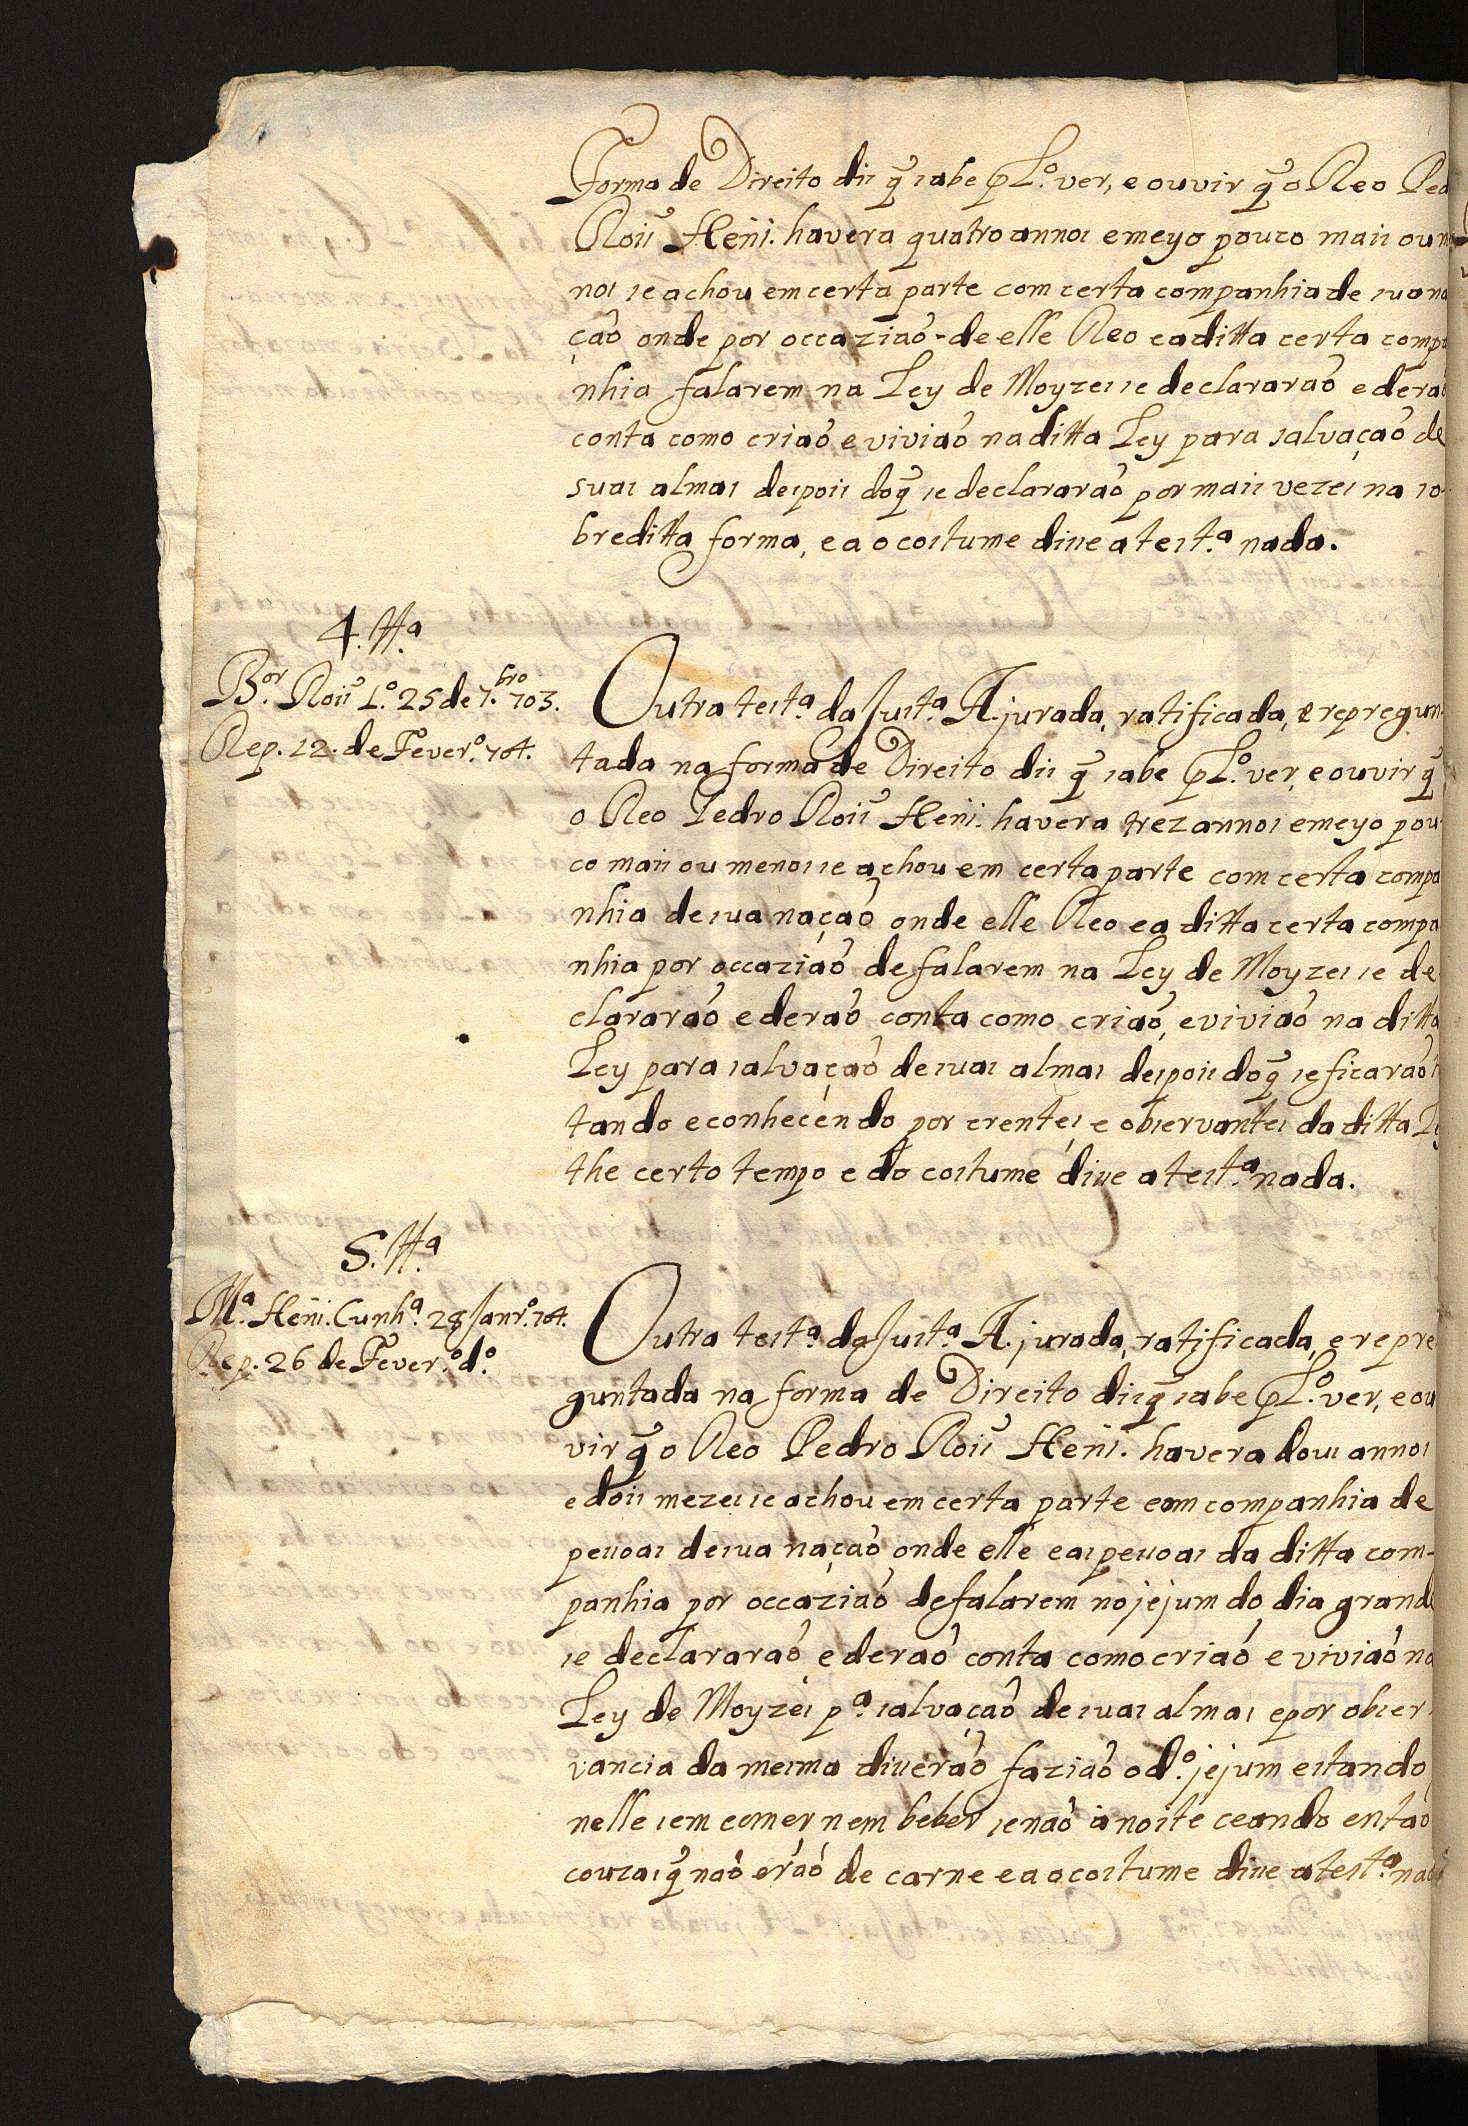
4. tt.a
B.or Rois̄ 1.o 25 de 7.bro 703.
Rep. 12. de Fever.o 704.
5. tt.a
M.a Hen̄s. Cunh.a 28 Janr.o 704
Rep. 26 de Fever.o d.o
Forma de Direito dis q̄ sabe pL.o ver, e ouvir q̄ o Reo Ped
Rois̄ Hen̄s̄. havera quatro annos e meyo pouco mais ou m
nos se achou em certa parte com certa companhia de sua na
çaõ onde por occaziaõ - de elle Reo e a ditta certa compa
nhia falarem na Ley de Moyzes se declararaõ e deraõ
conta como criaõ e viviaõ na ditta Ley para salvaçaõ de
suas almas despois do q̄ se declararaõ por mais vezes na so
breditta forma, e ao costume disse a test.a nada.
Outra test.a da Just.a A. jurada, ratificada, e repregun
tada na forma de Direito dis q̄ sabe pL.o ver, e ouvir q̄
o Reo Pedro Rois̄ Hens̄. havera trez annos e meyo pou
co mais ou menos se achou em certa parte com certa compa
nhia de sua naçaõ onde elle Reo e a ditta certa compa
nhia por occaziaõ de falarem na Ley de Moyzes se de
clararaõ e deraõ conta como criaõ, e viviaõ na ditta
Ley para salvaçaõ de suas almas despois do q̄ se ficaraõ
tando e conhecendo por crentes, e observantes da ditta L
the o certo tempo e do costume disse a test.a nada.
Outra test.a da Just.a A. jurada, ratificada, e repre
guntada na forma de Direito dis q̄ sabe pL.o ver, e ou
vir q̄ o Reo Pedro Rois̄ Hen̄s̄. havera dous annos
e dois mezes se achou em certa parte em companhia de
pessoas de sua naçaõ onde elle e as pessoas da ditta com
panhia por occaziaõ de falarem no jejum do dia grand
se declararaõ, e deraõ conta como criaõ e viviaõ na
Ley de Moyzes p.a salvaçaõ de suas almas e por obser
vancia da mesma disseraõ faziaõ o d.o jejum estando
nelle sem comer, nem beber senaõ à noite ceando entaõ
couzas q̄ naõ eraõ de carne e ao costume disse a test.a na
